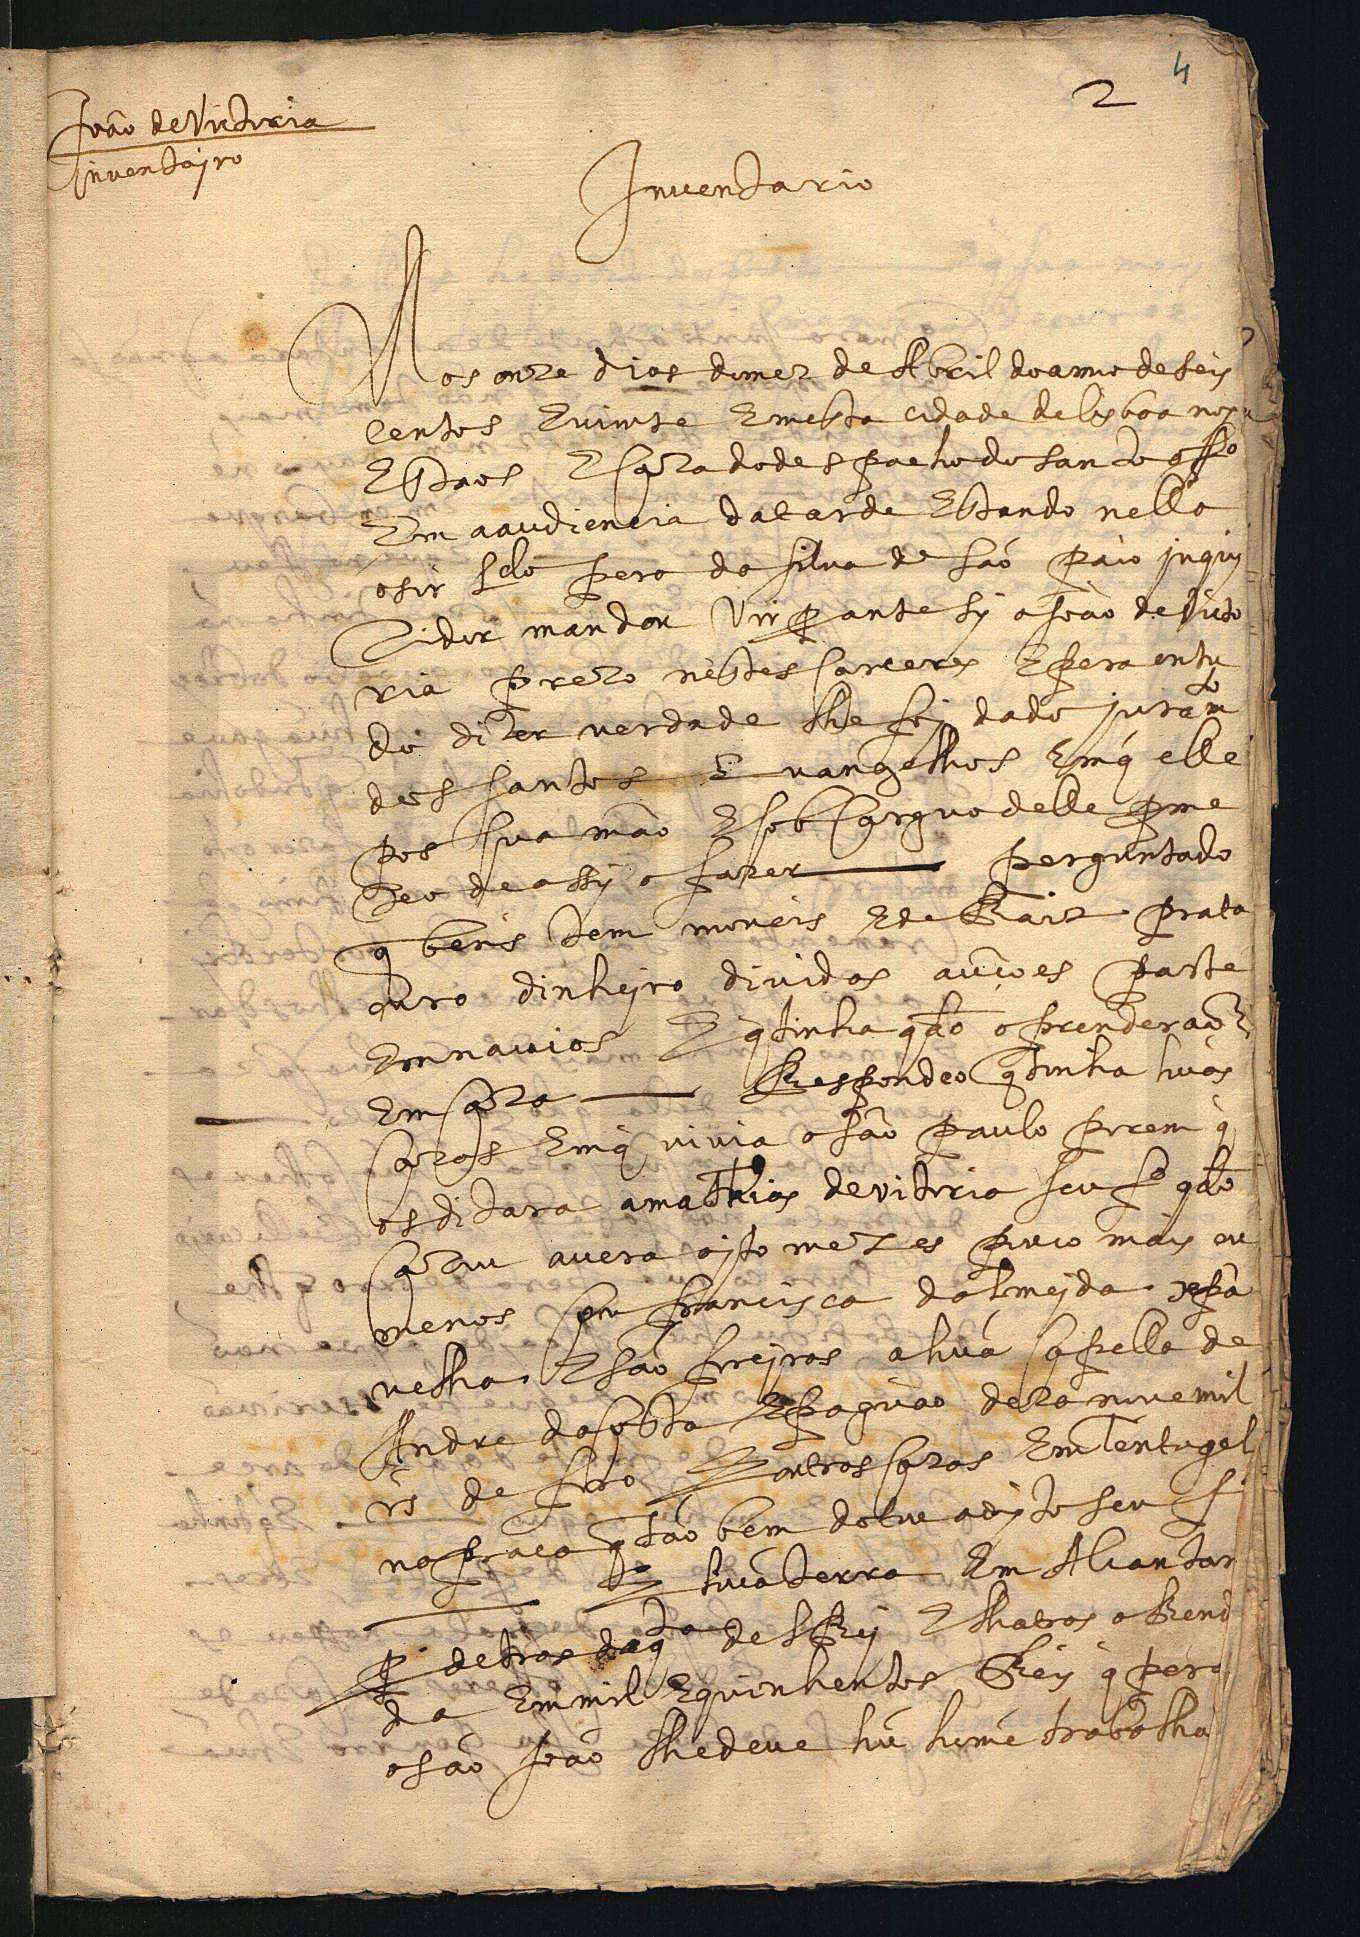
João de Victoria
jnuentajro
Jnuentario
Aos onze dias do mez de Abril do anno de seis
centos E uimte Em esta cidade de lisboa nos
Estaos E Caza do despacho do santo offo
Em a audiencia da tarde Estando nella
o sor̄ Ldo pero da silua de são paio Jnquj
zidor mandou vir ꝑante sy a João de Victo
ria prezo nestes Carceres E pera en tu
do dizer uerdade lhe foj dado juramto
dos santos Euangelhos Em q̄ elle
pos sua mão E sob Carguo delle ꝓme
teo de assy o fazer
perguntado
q̄ bens tem moueis E de Raiz prata
ouro dinhejro diuidas auções parte
Em nauios E q̄ tinha q̄do o prenderaõ
Em Caza
Respondeo q̄ tinha huās
Cazas Em q̄ uiuia a são paulo porem q̄
as ditara a mathias de vitoria seu fo qdo
Cazou auera ojto mezes pouco mais ou
menos Com francisca dalmejda xpā
uelha E saõ forejras a huā Capella de
Andre da Costa E paguão dezanoue mil
rs̄ de foro E outras Cazas Em Tentugel
na praca q̄ taõ bem dotou a dito seu f
E huā terra Em Alcantar
ꝑ detras da qta del Rej E lha tras aRend
da Em mil E quinhentos Reis q̄ pera
o saõ João lhe deue hū homē trabalha
